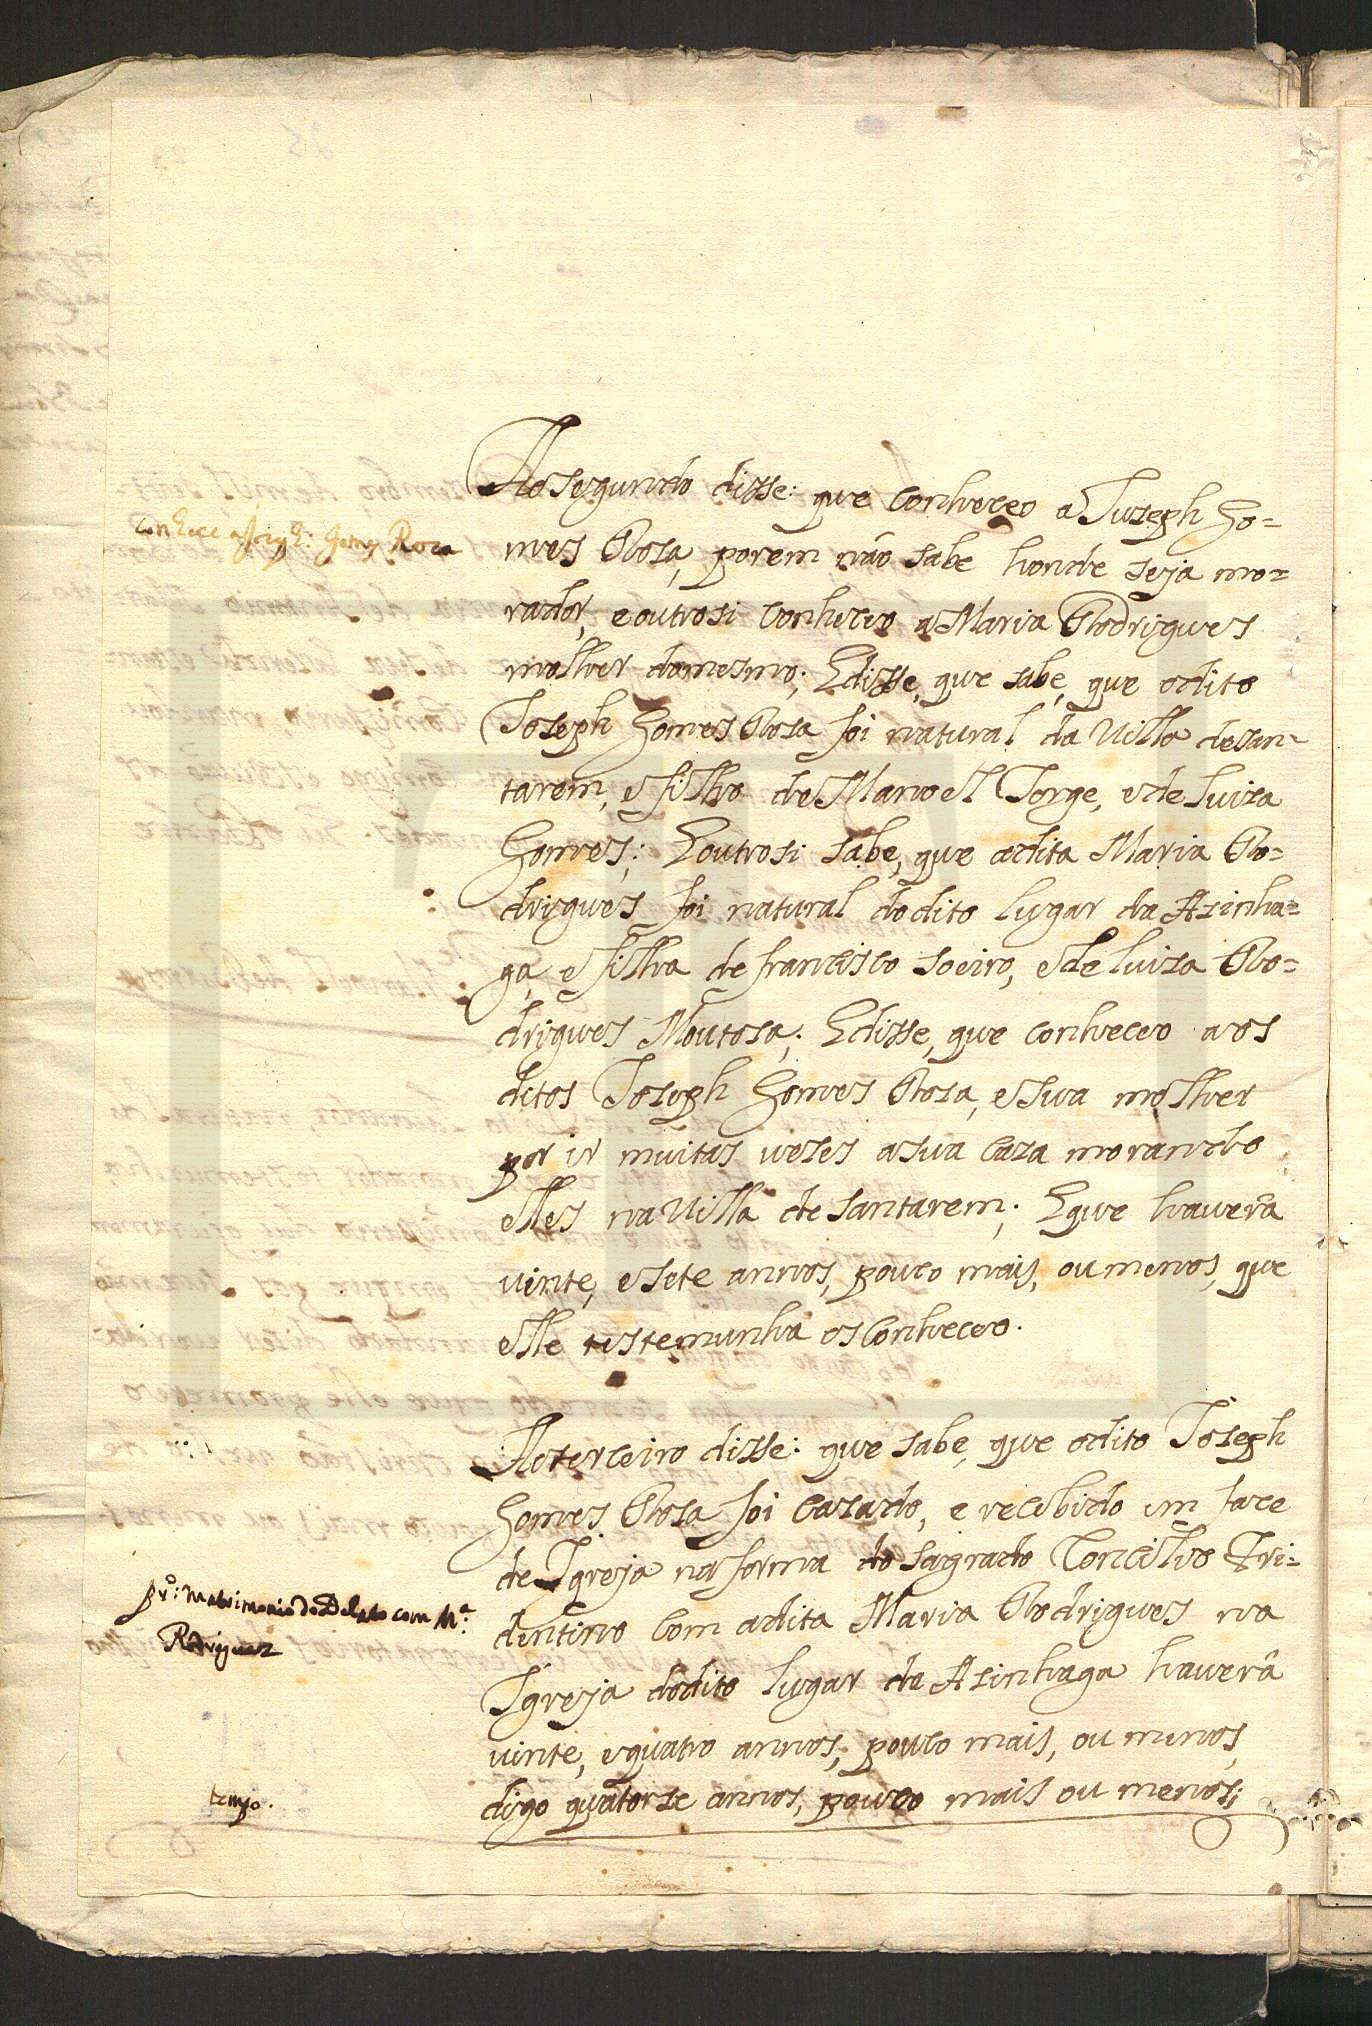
Ao segundo disse: que conheceo a Iuzeph Go
mes Roza, porem naõ sabe honde seja mo
rador, e outrosi conheceo a Maria Rodrigues
molher do mesmo; E disse, que sabe, que o dito
Iozeph Gomes Roza foi natural da Uilla de san
tarem, e filho de Manoel Iorge, e de Luiza
Gomes; E outrosi sabe, que a dita Maria Ro
drigues foi natural do dito Lugar da Azinha
ga, e filha de francisco soeiro, e de Luiza Ro
drigues Moutoza; E disse, que conheceo aos
ditos Iozeph Gomes Roza, e sua molher
por ir muitas uezes a sua caza morando
elles na uilla de Santarem; E que hauerā
uinte, e sete annos, pouco mais, ou menos, que
elle testemunha os conheceo.
Ao terceiro disse: que sabe, que o dito Iozeph
Gomes Roza foi cazado, e recebido em face
de Igreja na forma do Sagrado Concilio Tri
dentino com a dita Maria Rodrigues na
Igreja do dito lugar da Azinhaga hauerā
uinte, e quatro annos, pouco mais, ou menos,
digo quatorze annos, pouco mais ou menos;
conhece a Jozeph: Gomes Roza
pro: matrimonio do Delato com Ma:
Rodriguez
tempo.
